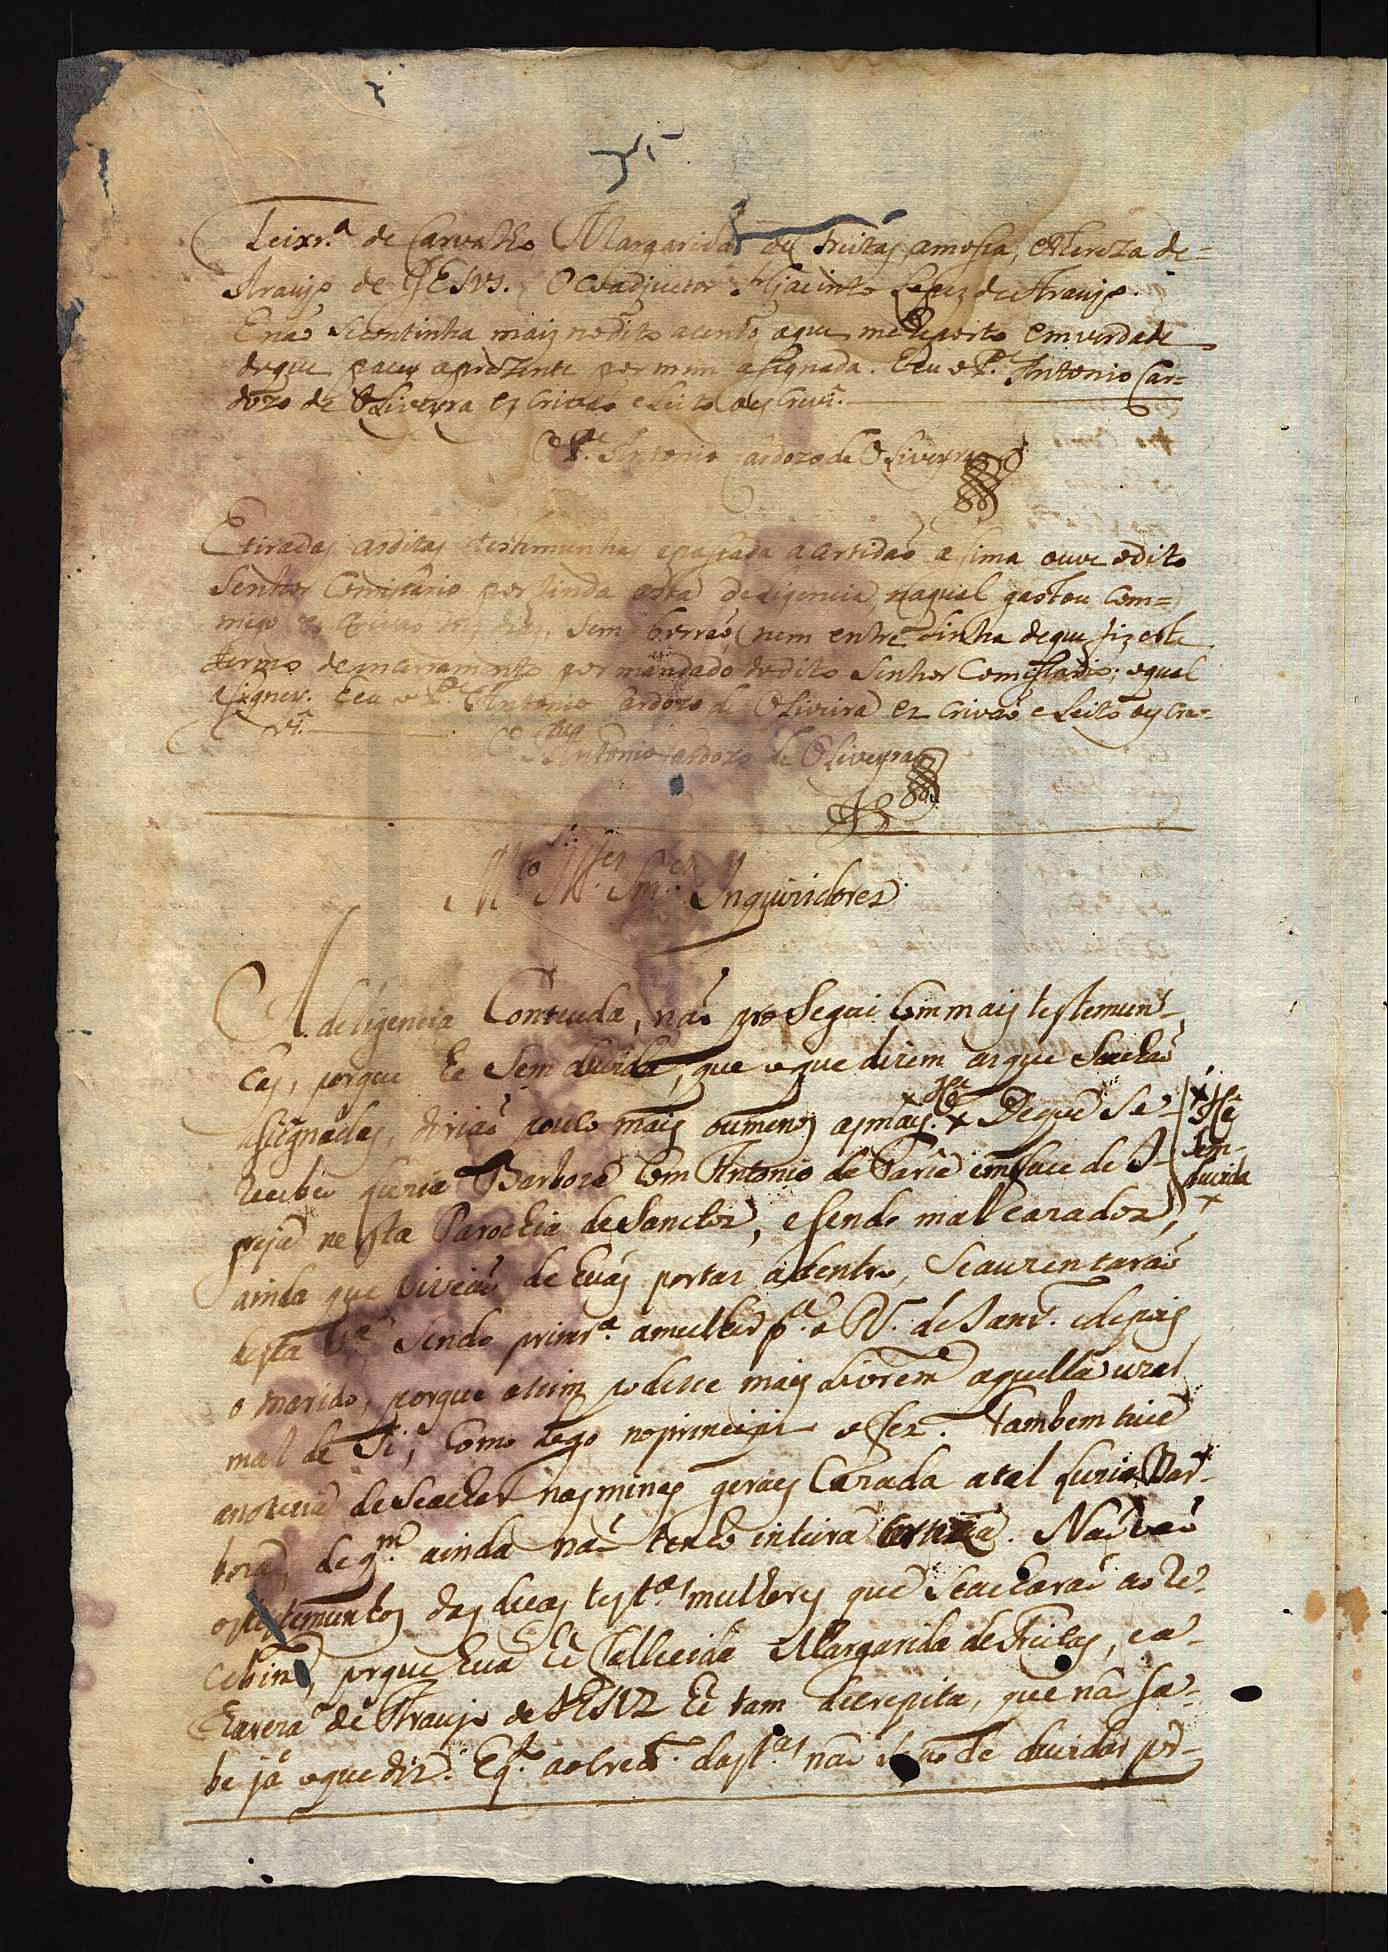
Teixr.a de Carvalho Margarida de Freitas a mossa, e Thereza de
Araujo de JESVs. O coadjuctor Hjacinto Lopez de Araujo.
E naõ se continha mais no dito acento, a que me Reporto em verdade
do que pacey a prezente por mim asignada. E eu o P.e Antonio Car
dozo de Oliveyra escriuaõ eLeito o esCrevi.
O P.e Antonio Cardozo de Oliveyra
E tiradas as ditas testemunhas e passada a certidaõ asima ouve o dito
Senhor Comissario por finda esta deLigencia, na qual gastou com
migo Escriuao trez diaz, sem borraõ, nem entreLinha de que fiz este
termo de encerramento por mandado do dito Senhor Comissario; o qual
asigney. E eu o P.e Antonio Cardozo de Oliveira escrivaõ eLeito o escre
vi.
O P.e Antonio Cardozo de Oliveyra
M.to Ill.es snr.es Inquizidores
A deligencia Conteuda, naõ proSegui Com mais testemun
has, porque he Sem duvida, que o que dizem as que Se achaõ
Hê
assignadas, diriaõ pouco mais ou menos as mais. x De que se
x Hê
sem
Recebeo Luzia Barboza Com Antonio de Faria em face de I
duvida
greja nesta Parochia de Sanctoz, e sendo mal cazadoz,
ainda que viviaõ de huās portas adentro, se auzentaraõ
desta V.a, Sendo primr.a a mulher p.a o R.o de Ianr.o e depois
o marido, porque assim podesse mais Livremte aquella uzar
mal de Si, Como Logo no principi o fez. Tambem tiue
a noticia de se achar nas minas geraes Cazada a tal Luzia Bar.
boza, de q.m ainda naõ tenho inteira certeza. Naõ vaõ
os testemunhos das duas test.as mulheres que se acharaõ ao Re
cebimto, porque huā hè fallecida Margarida de Freitas, e a
Thareza de Araujo de IESVs hè tam decrepita, que naõ sa
be já o que diz: E q.to ao cred̄.o das t.as naõ s pode duvidar por
